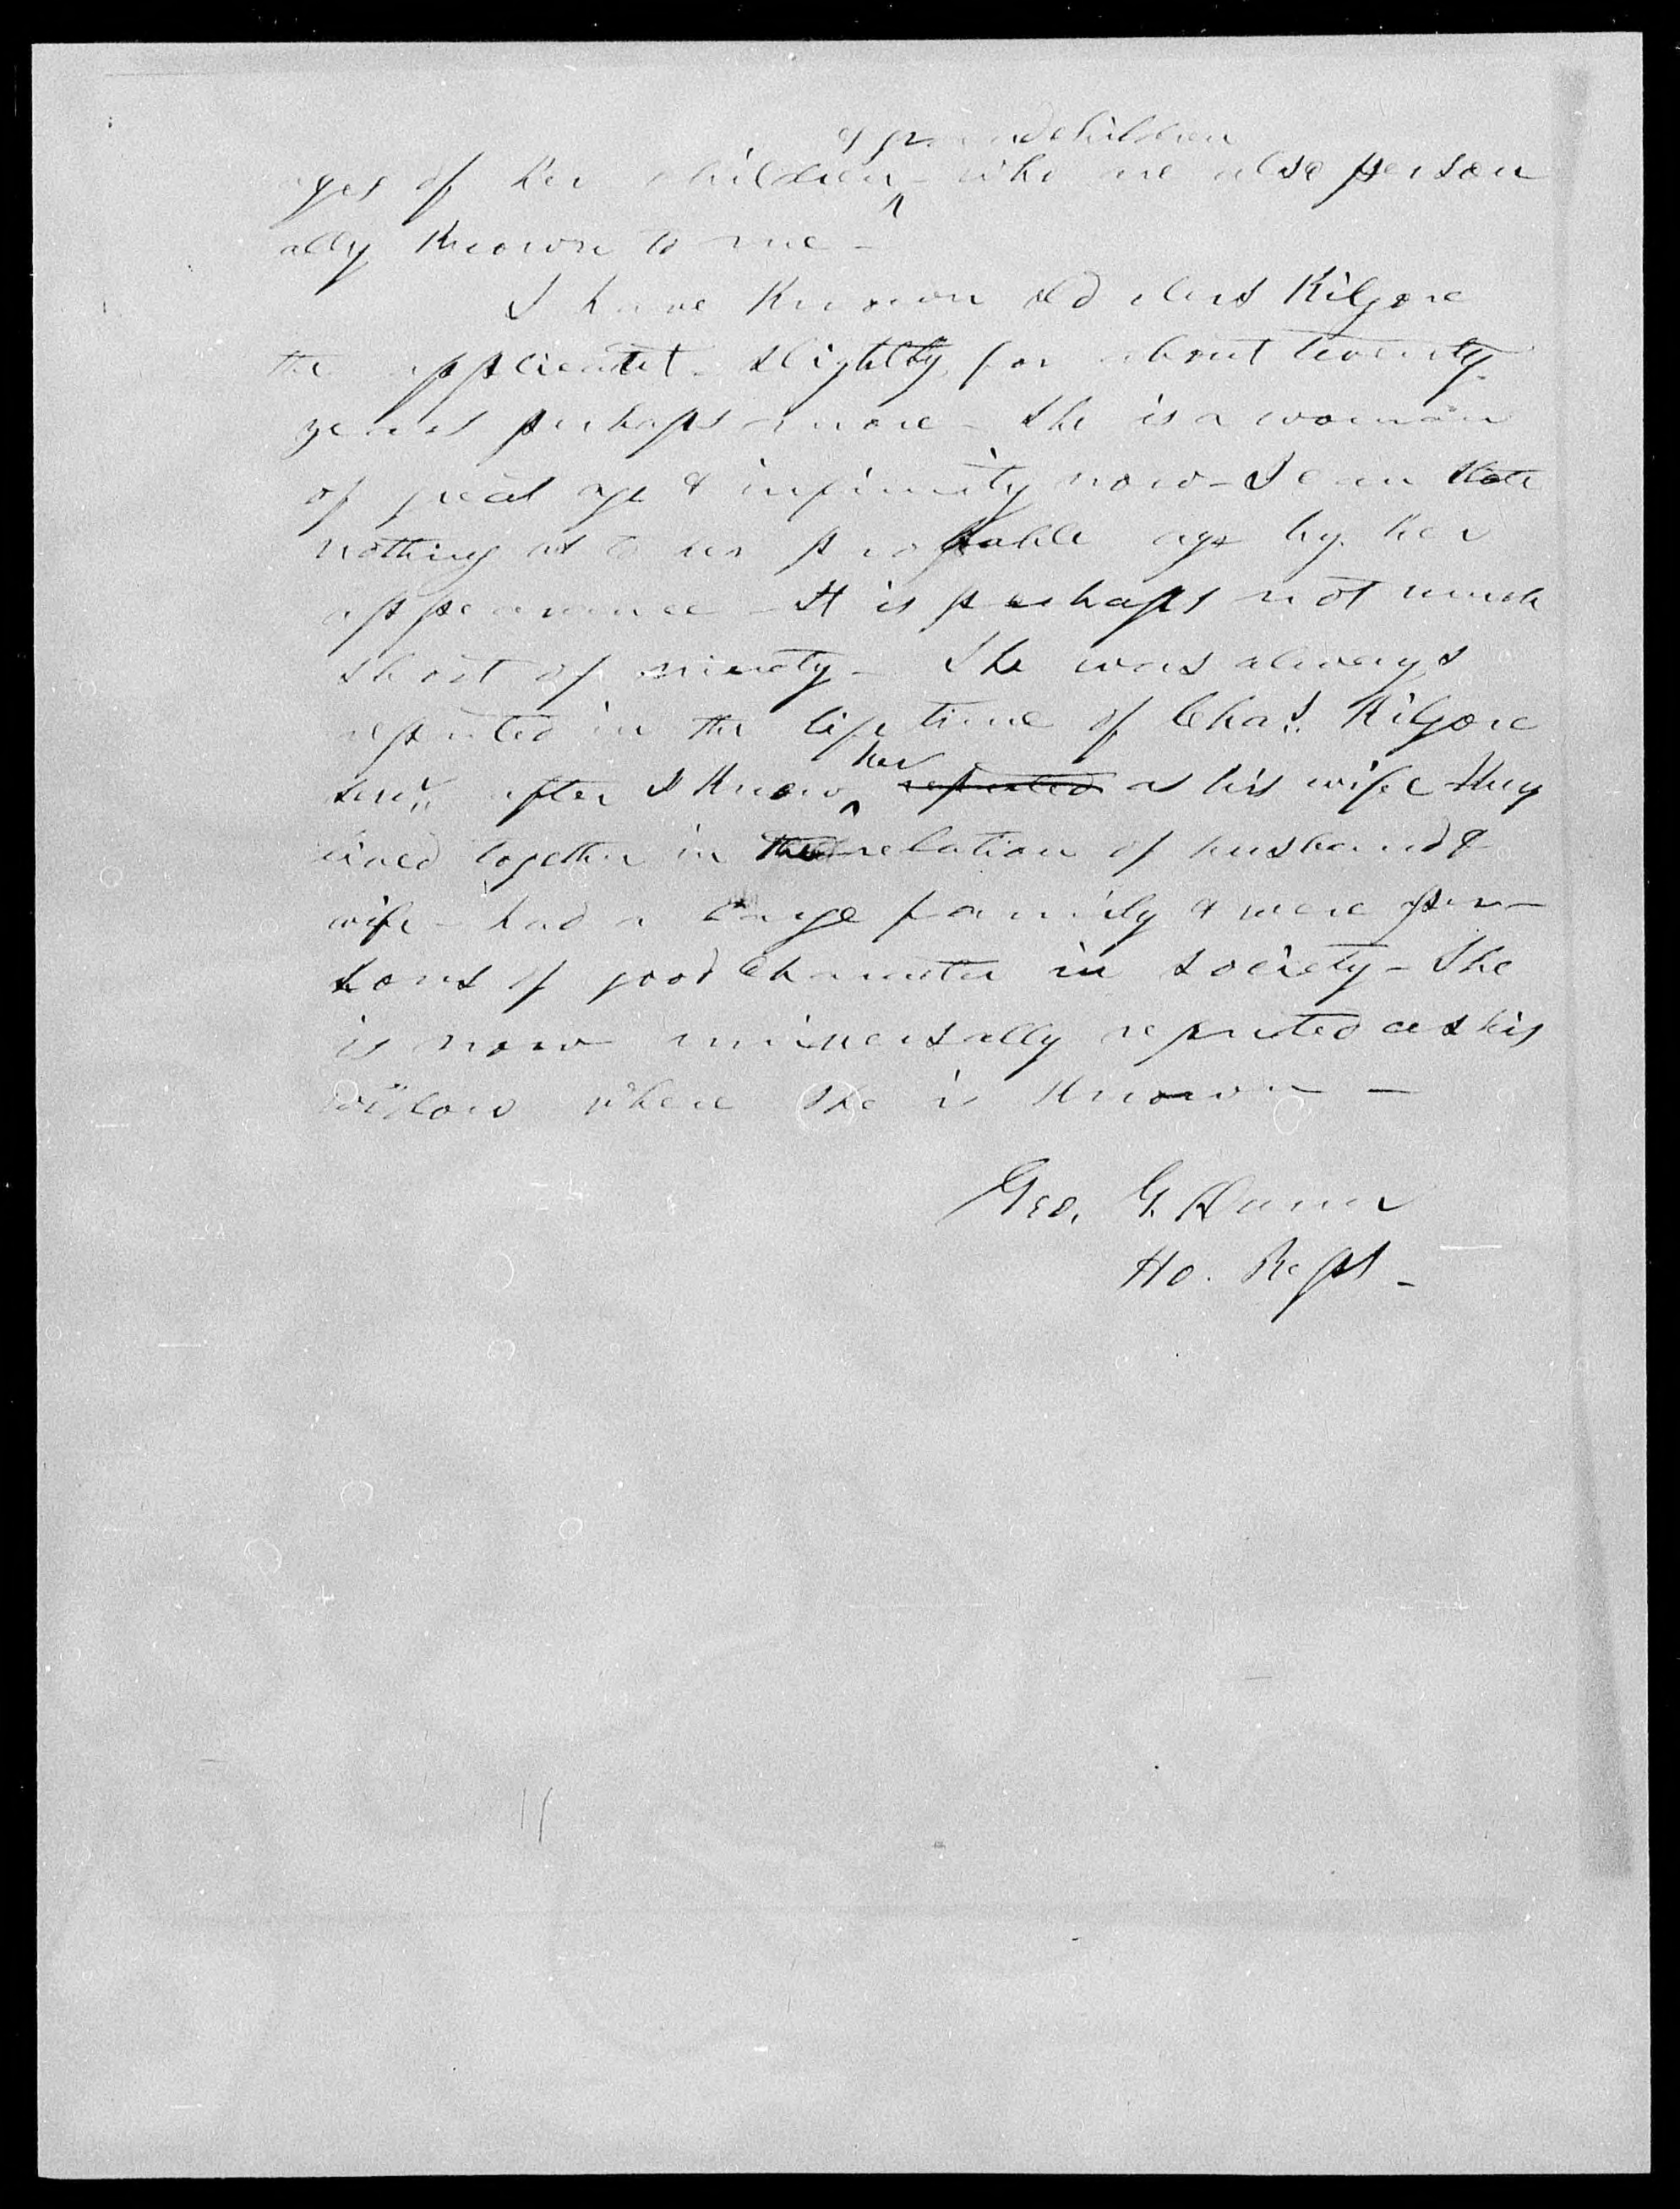ages of his children & grandchildren who are also personally known to me.
I have known [illegible] Kilgore the applicated slightly for about twenty years perhaps more. She is a woman of great age & infinity now. I can State nothing as to her probable age by her appearance. It is perhaps not much short of ninety. She was always reputed in the life time of Chas. Kilgore decd. after I knew her [crossed out: reputed] as his wife they lived together in the relation of husband & wife, had a family & were persons of good character in society. She is now universally reputed as his widow where she is known.
Geo. G. Dunn
Ho. Reps.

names: Geo G Dunn; Chas Kilgore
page: 87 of 115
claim: survivor's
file: S. 699, for Charles Kilgore, Virginia